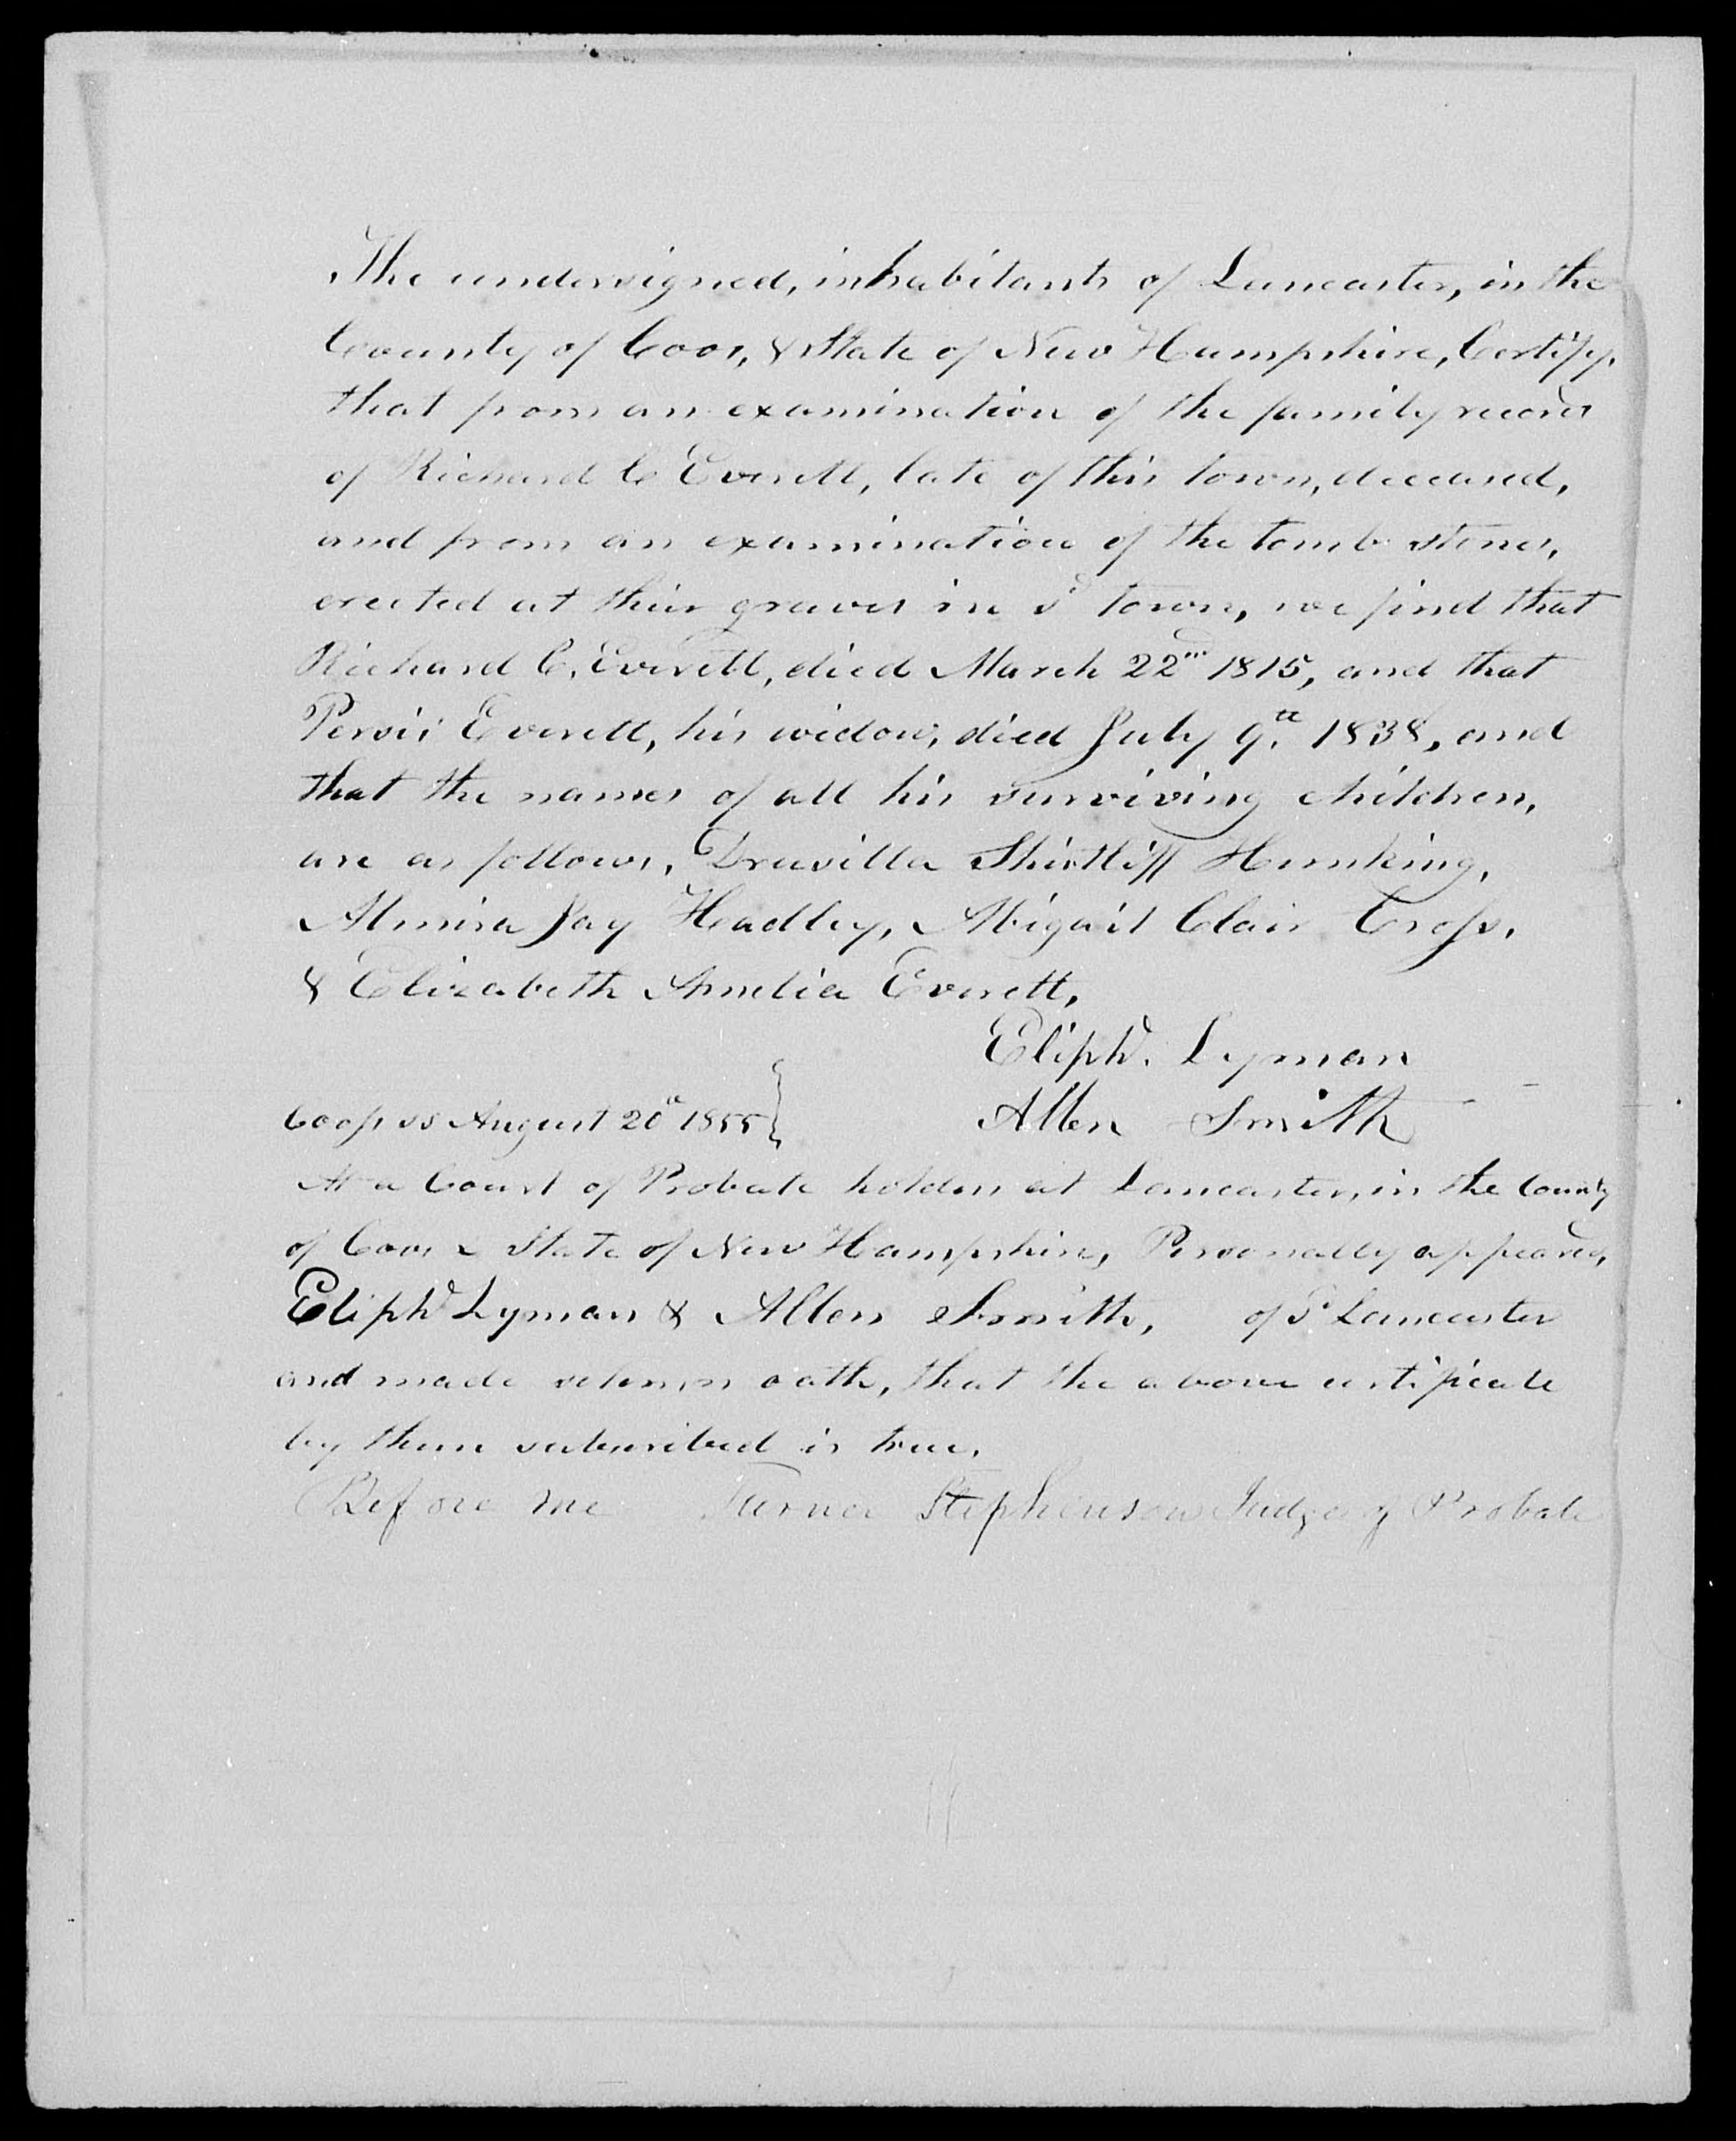The undersigned, inhabitants of Lancaster in the County of Coos, & State of New Hampshire, certify that from an examination of the family records of Richard C Everett, late of this town, deceased and from an examination of the tomb stones erected at their graves in sd town, we find that Richard C. Everett, died March 22 1815, and that Persis Everett his widow, died July 9th 1838, and that the names of all his surviving children
are as follows, Drusilla Shirtliff Hunking
Almira Jay Hadley, Abigail Clair Cross,
& Elizabeth Amelia Everett
Eliph Lyman
Allen Smith
Coop ss August 20th 1855
At a Court of Probate holden at Lancaster, in the County of Coos & State of New Hampshire, Personally appeared Eliph Lyman & Allen Smith of Lancaster and made solemn oath, that the above certificate by them subscribed is true
Before me
Turner Stephenson Judge of Probate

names: Richard C Everett, Turner Stephenson, Almira Jay Hadley, Eliph Lyman, Drusilla Shirtliff Hunking, Persis Everett, Richard C Everett, Allen Smith, Abigail Clair Cross, Allen Smith, Eliph Lyman, Elizabeth Amelia Everett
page: 13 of 59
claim: widow's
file: W. 23017, Richard Clair Everett, Mass.